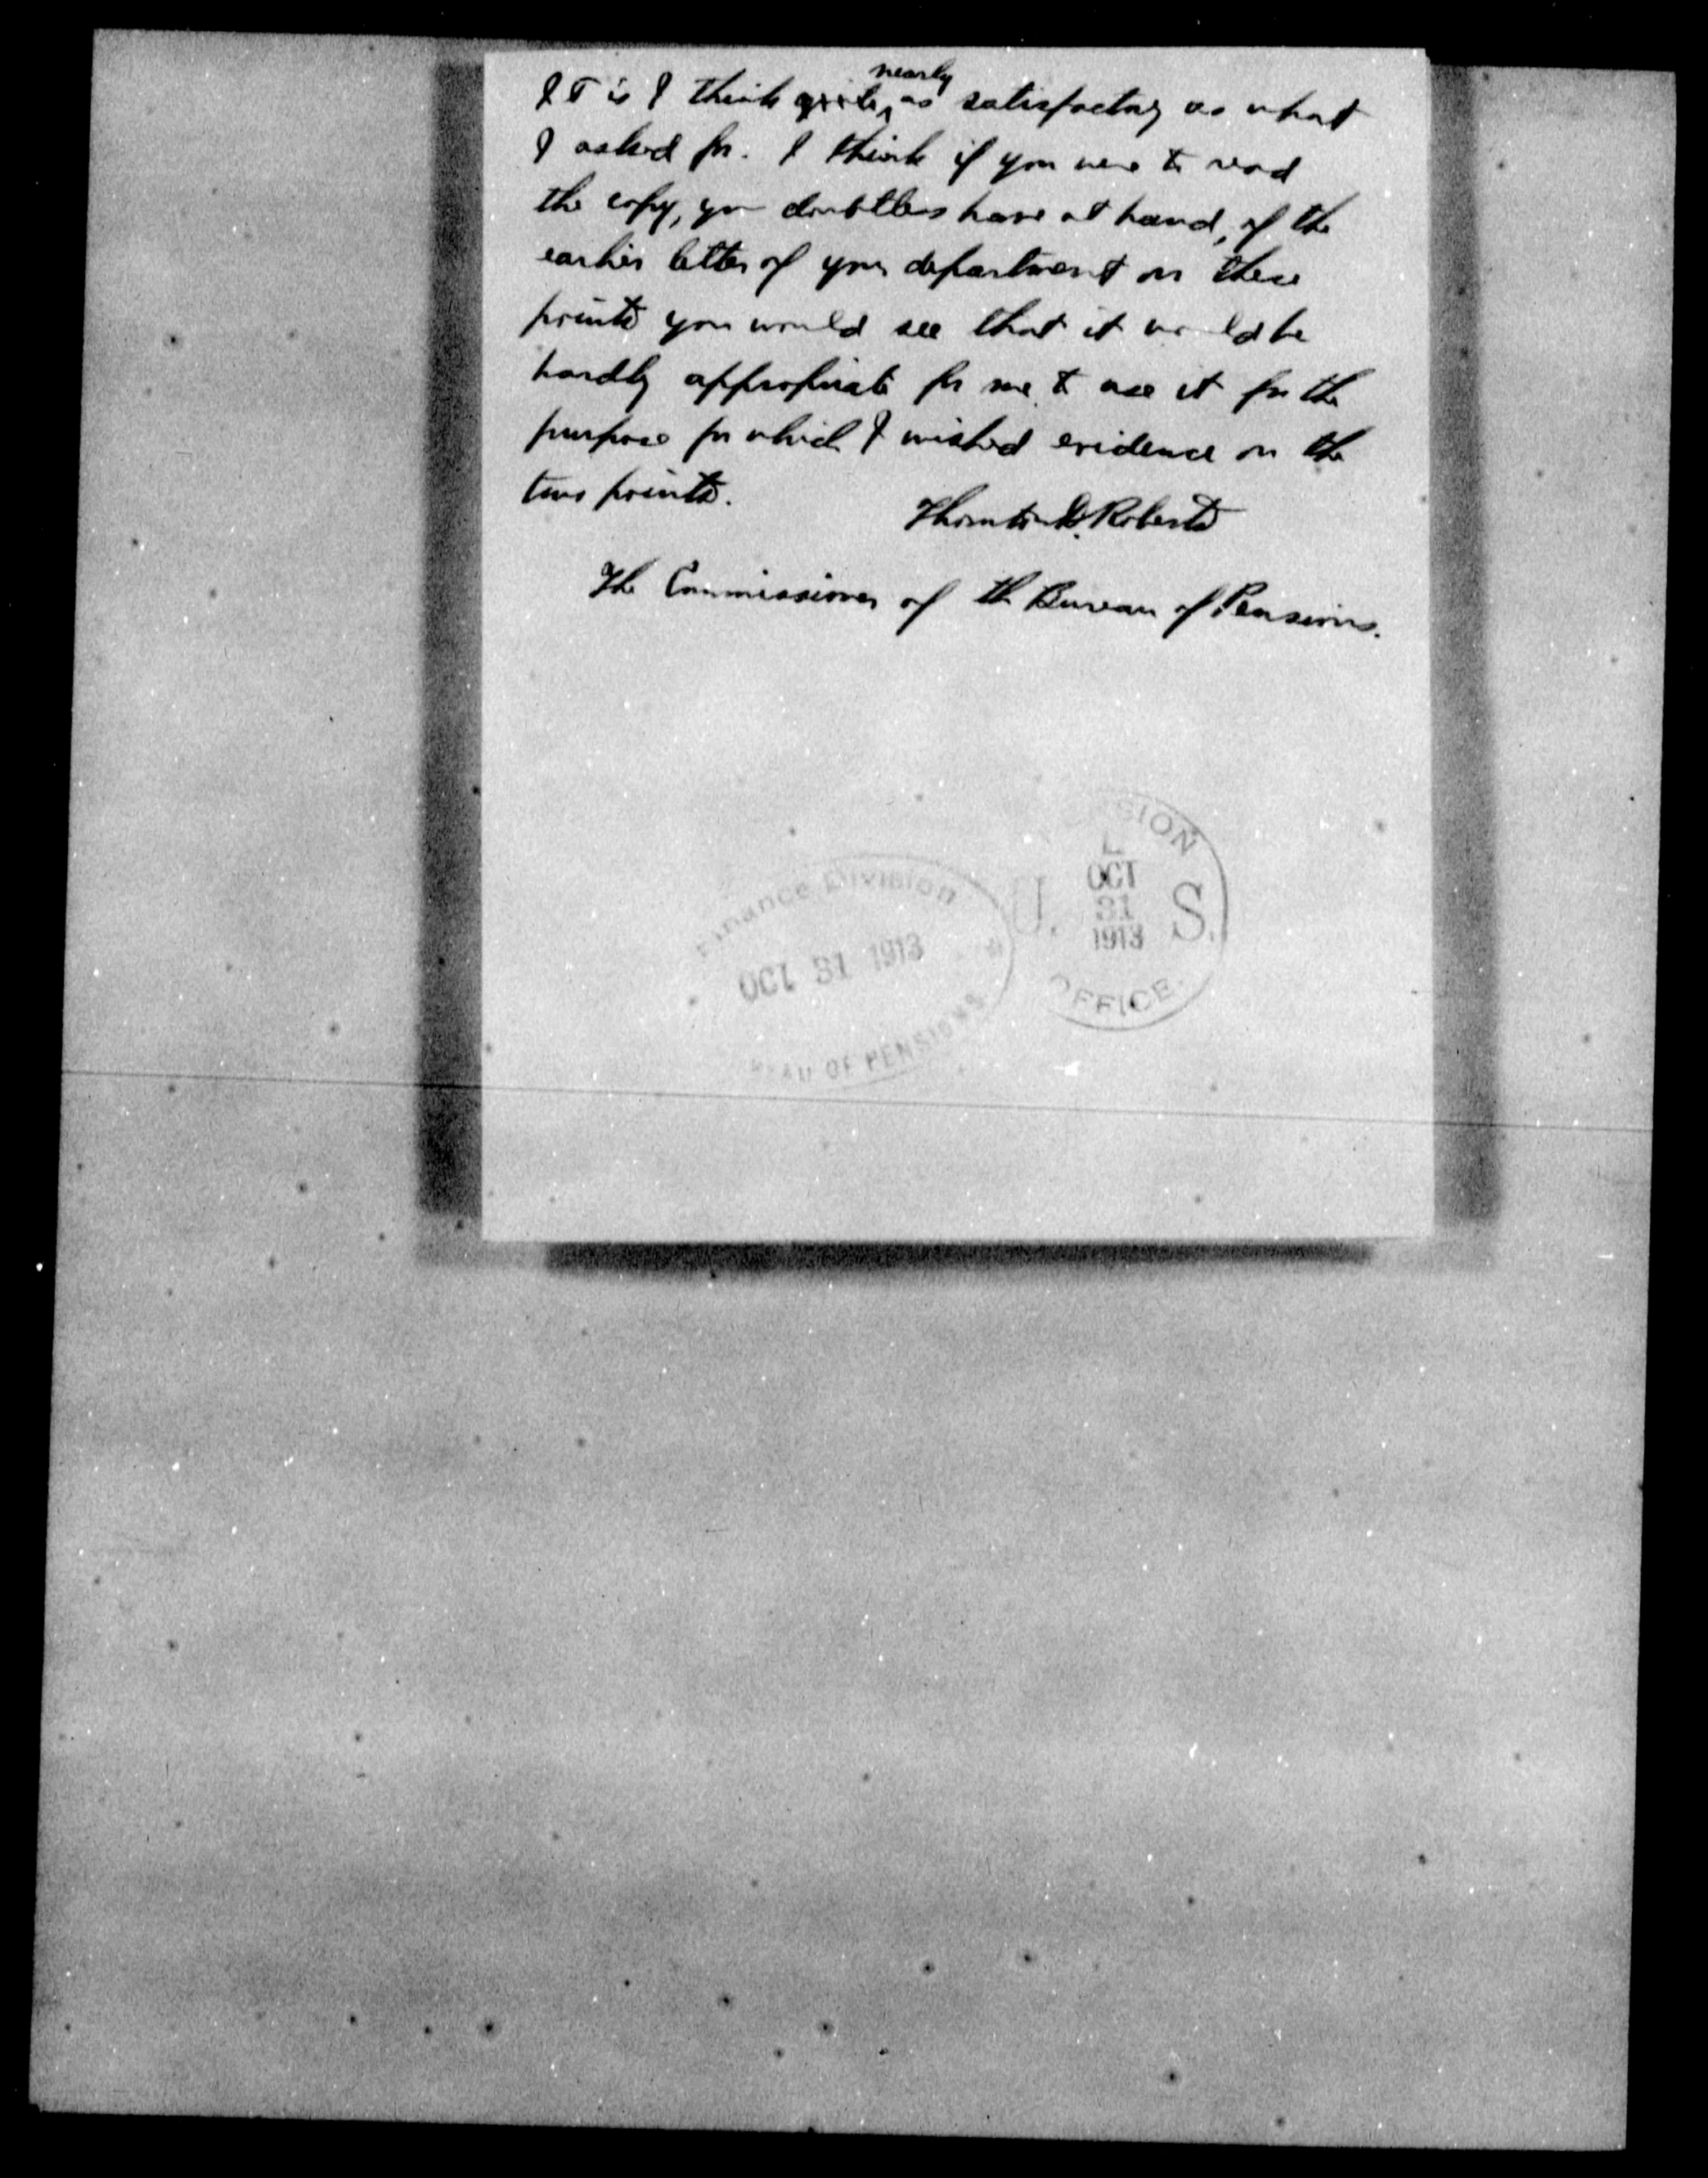It is I think nearly as satisfactory as what
I asked for.  I think if you were to read
the copy, you doubtless have at hand, of the
earlier letter of your department on these
points you would see that it would be 
hardly appropriate for me to use it for the 
purpose for which I wished evidence on the 
two points.

Thornton D. Roberts


The Commissioner of the Bureau of Pensions.


[date stamp]
U. S. PENSION OFFICE
L
OCT 31 1913

[date stamp]
FINANCE DIVISION
OCT 31 1913
BUREAU OF PENSIONS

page: 38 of 59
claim: bounty land warrant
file: B.L.Wt. 2359-500, for Owen Roberts, South Carolina